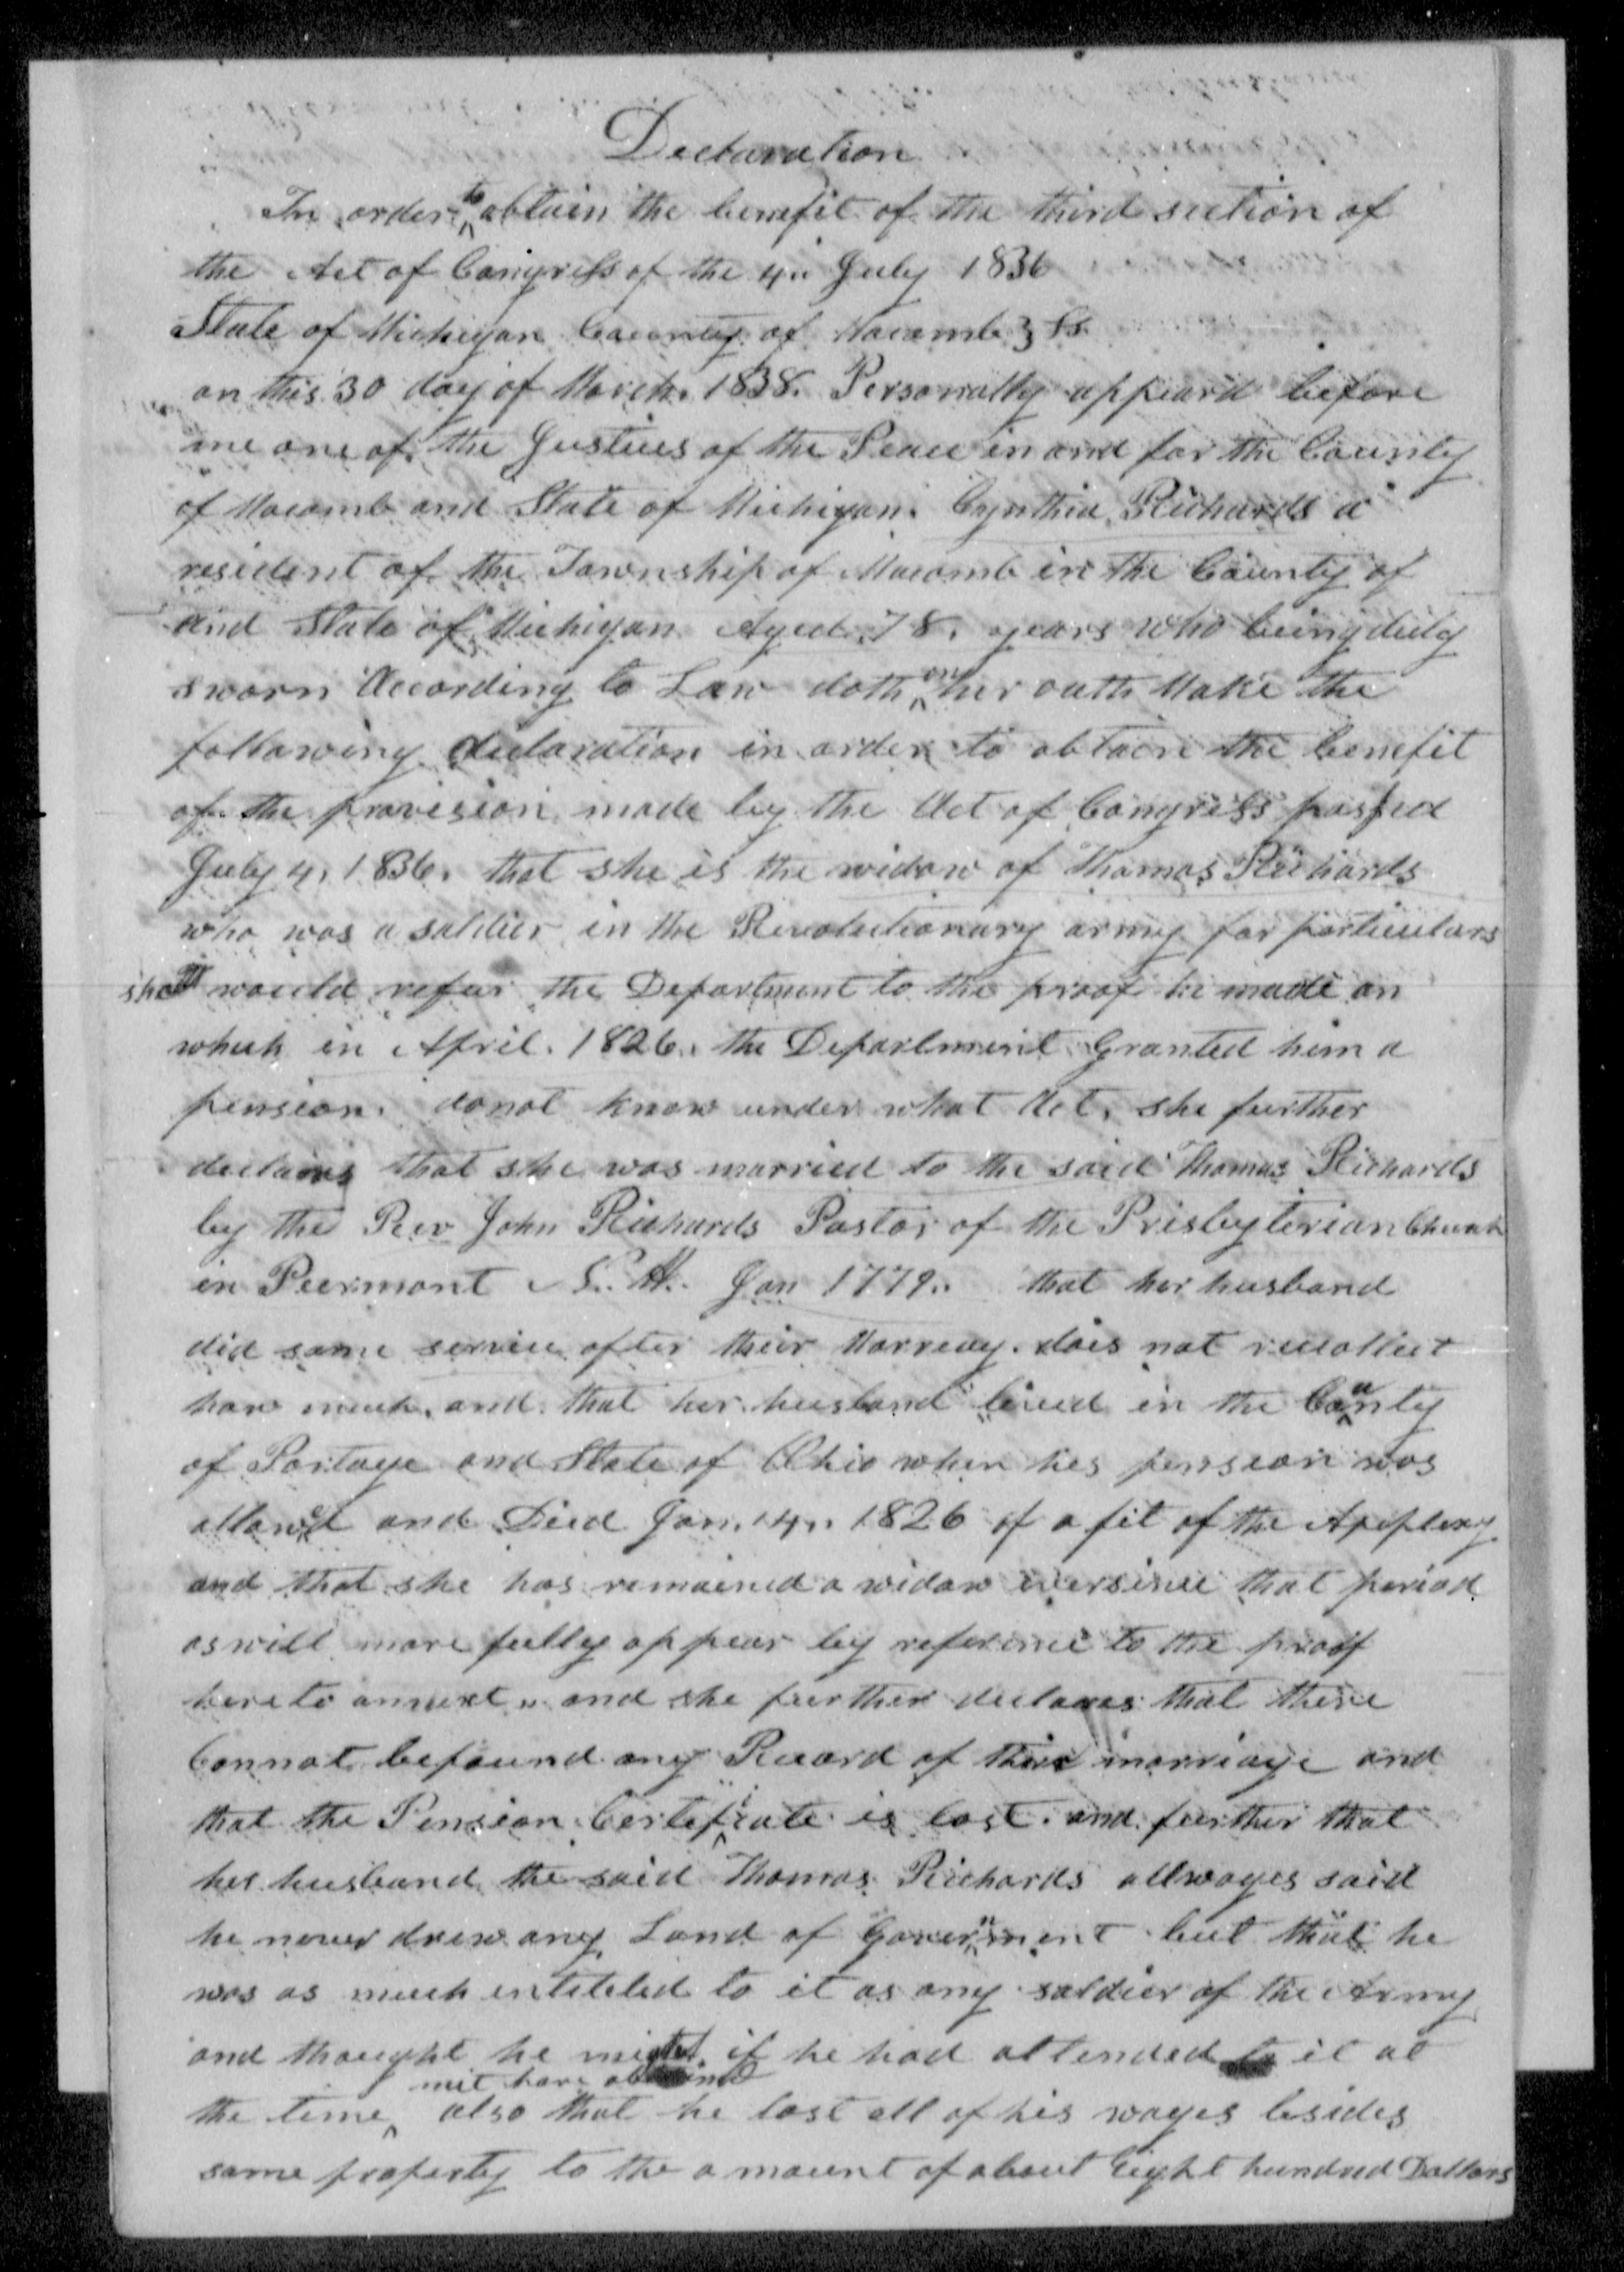Declaration
In order to obtain the benefit of the third section of the Act of Congress of the 4 July 1836
State of Michigan County of Macomb} Ss. 
on this 30 day of March 1838. Personally appeared before me one of the Justices of the Peace in and for the County of Macomb and State of Michigan Cynthia Richards a
resident of the Township of Macomb in the County and State of Michigan Aged 78 years who being duly sworn according to Law doth on her oath make the following declaration in order to obtain the benefit of the provision made by the act of Congress passed July 4, 1836, that she is the widow of Thomas Richards who was a soldier in the Revolutionary army for particulars she
would refer the Department to the proof he made on which in April 1826, the Department granted him a pension do not know under what Act, she further declaring that she was married to the said Thomas Richards by the Rev John Richards Pastor of the Presbyterian Church in Piermont N.H. Jan 1779. that her husband did some service after their Marriage. does not recollect how much, and that her husband died in the County of Portage and State of Ohio where his pension was
allowed and Died Jan. 14. 1826 of a fit of the Apoplexy and that she has remained a widow ever since that period as will more fully appear by reference to the proof hereto annexed and she further declares that there cannot be found any Record of their marriage and that the Pension Certificate is lost, and further that
her husband the said Thomas Richards allwayes [ALWAYS] said he never drew any Land of Government but that he was as much entitled to it as any soldier of the Army and thought he might, if he had attended to it at
the time might have obtained also that he lost all of his wages besides some property to the amount of about Eight hundred Dollars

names: John Richards; Thomas Richards; Thomas Richards; Thomas Richards; Cynthia Richards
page: 17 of 109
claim: widow's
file: W. 5709, for Thomas Richards, New Hampshire